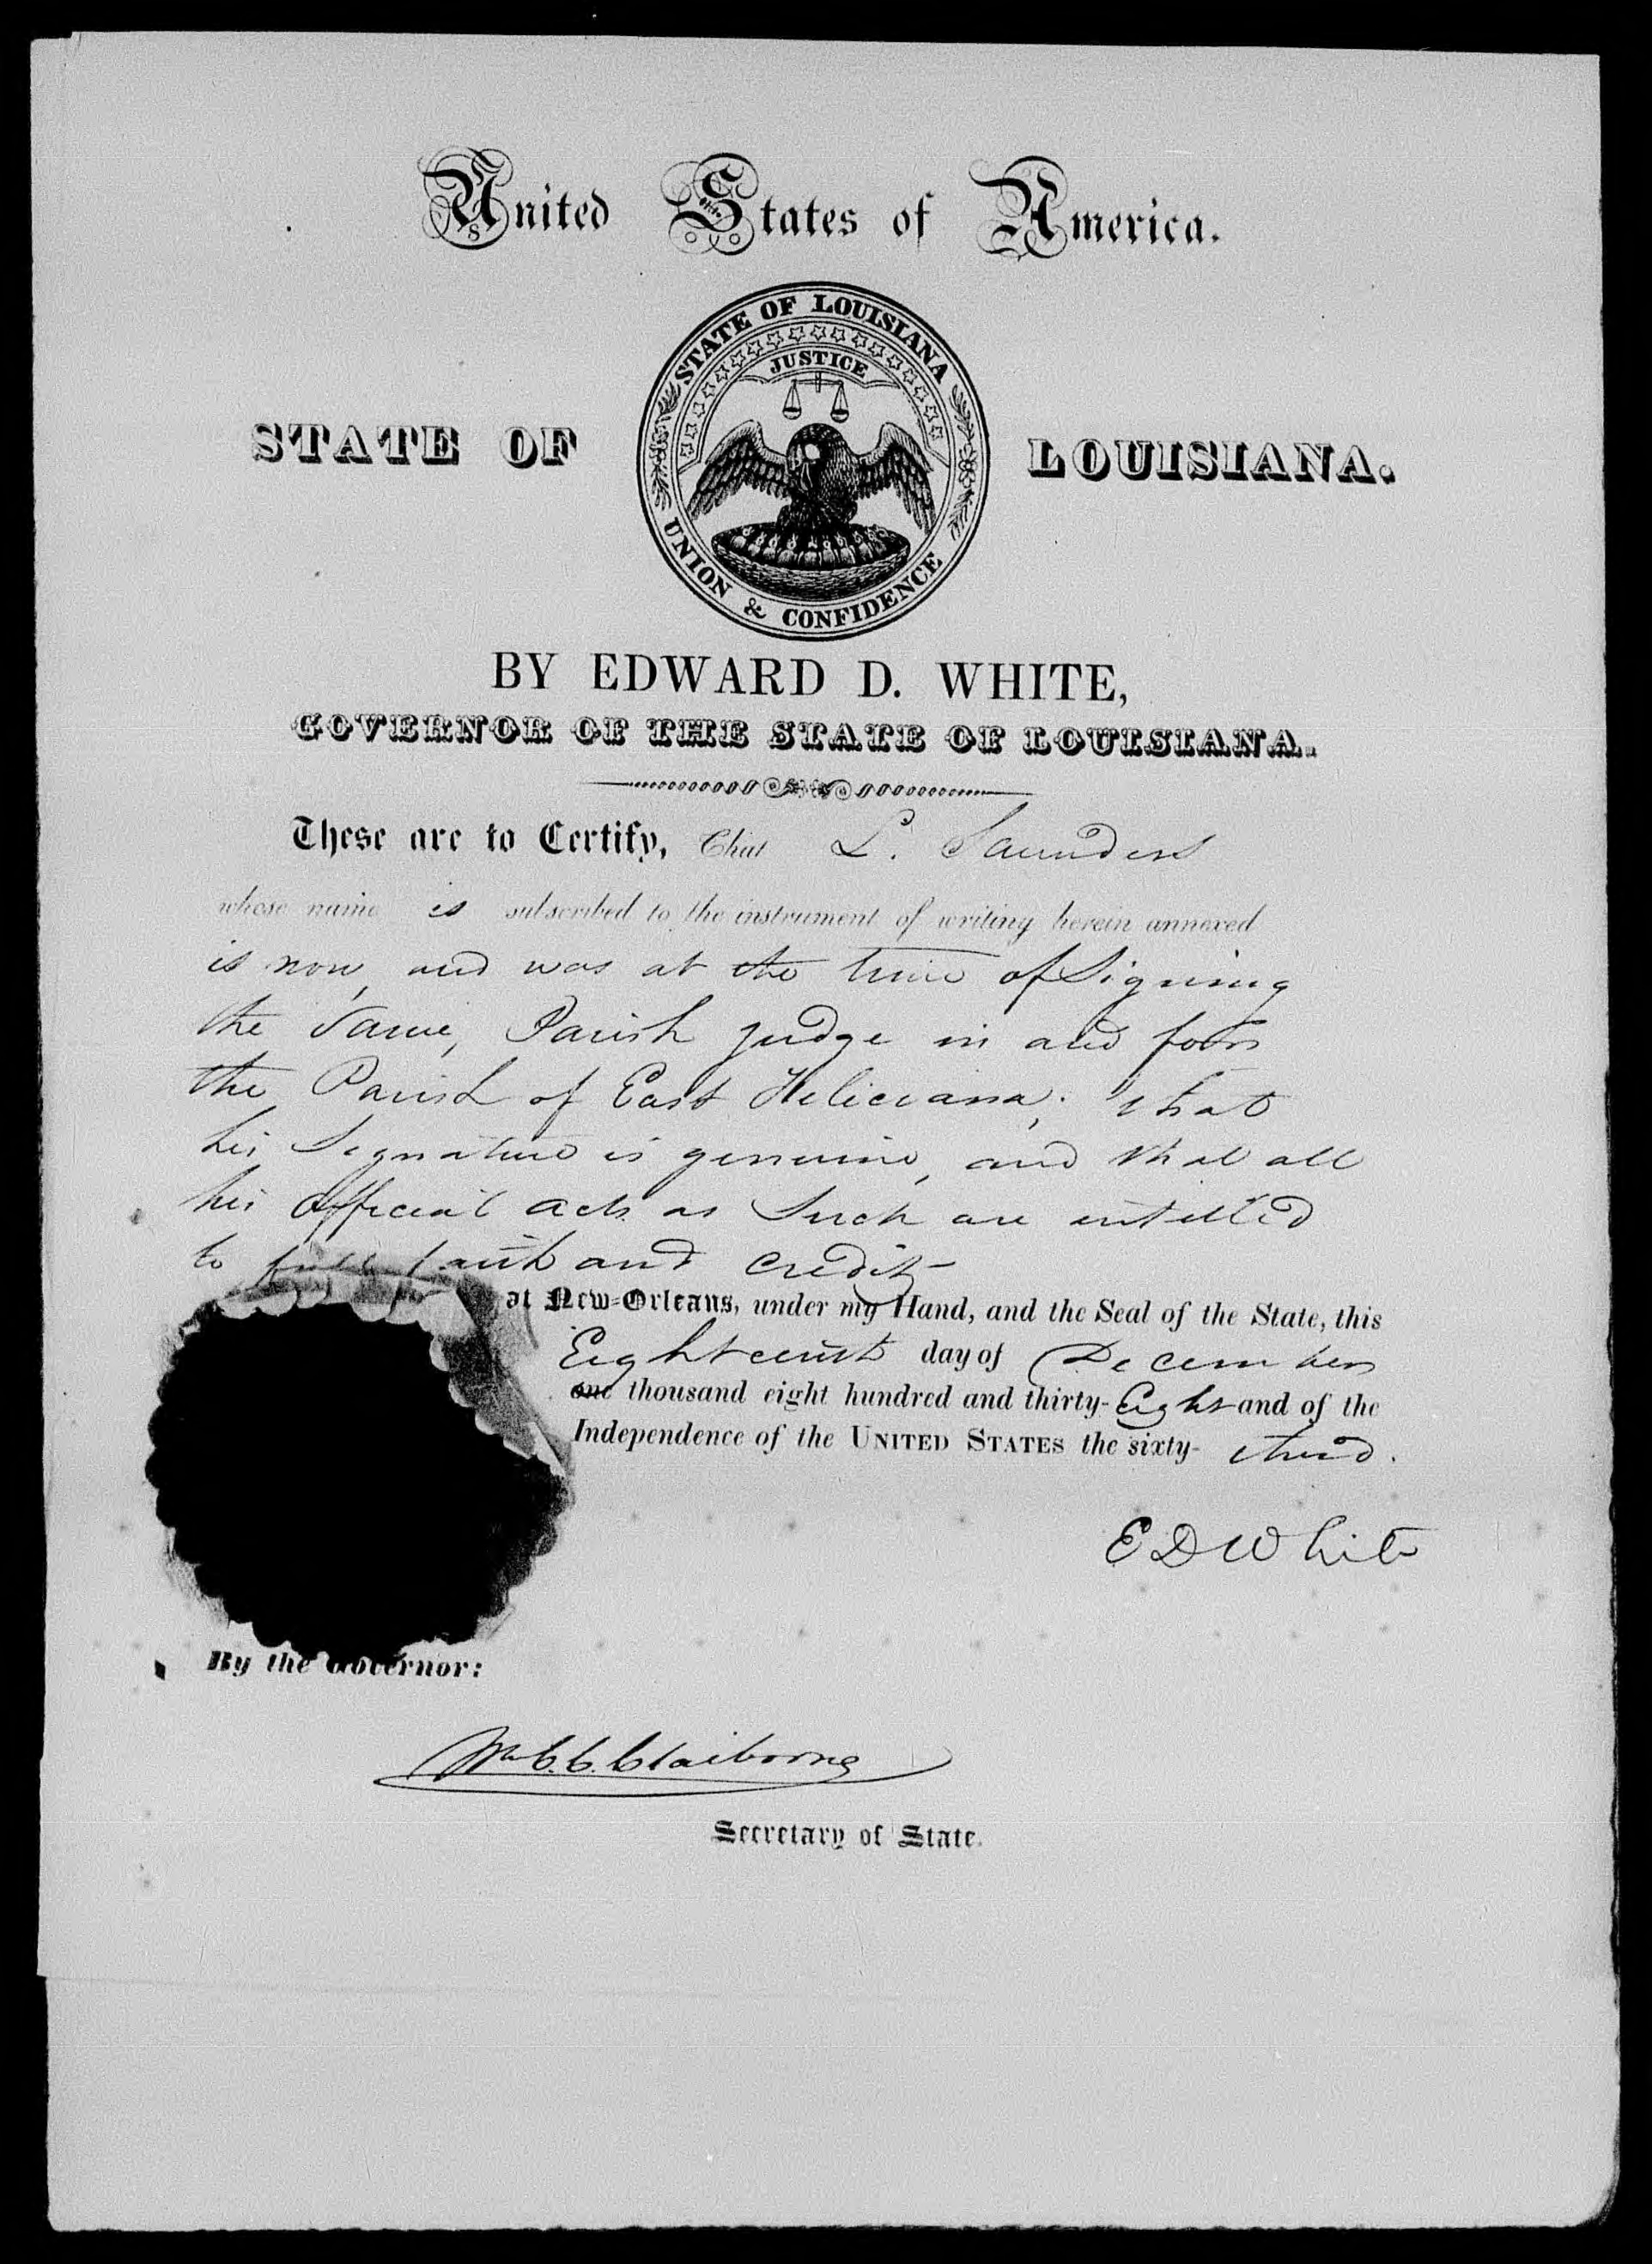United States of America.
STATE OF LOUISIANA [state seal]
BY EDWARD D. WHITE.
GOVERNOR OF THE STATE OF LOUISIANA,

These are to certify, That L. Saunders whose name is subscribed to the instrument of writing herein annexed is now and was at the time of signing the same Parish Judge in and for the Parish of East Feliciana, that his Signature is genuine and that all his official acts as such are entitled to full faith and credit

At New Orleans, under my Hand, and the Seal of the State, this Eighteenth day of December
one thousand eight hundred and thirty eight and of the Independence of the UNITED STATES the sixty and third
E D White
-
By the Governor:
C.C. Claiborne
Secretary of State.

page: 43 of 54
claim: survivor's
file: S. 31166, for Thomas Jackson, South Carolina